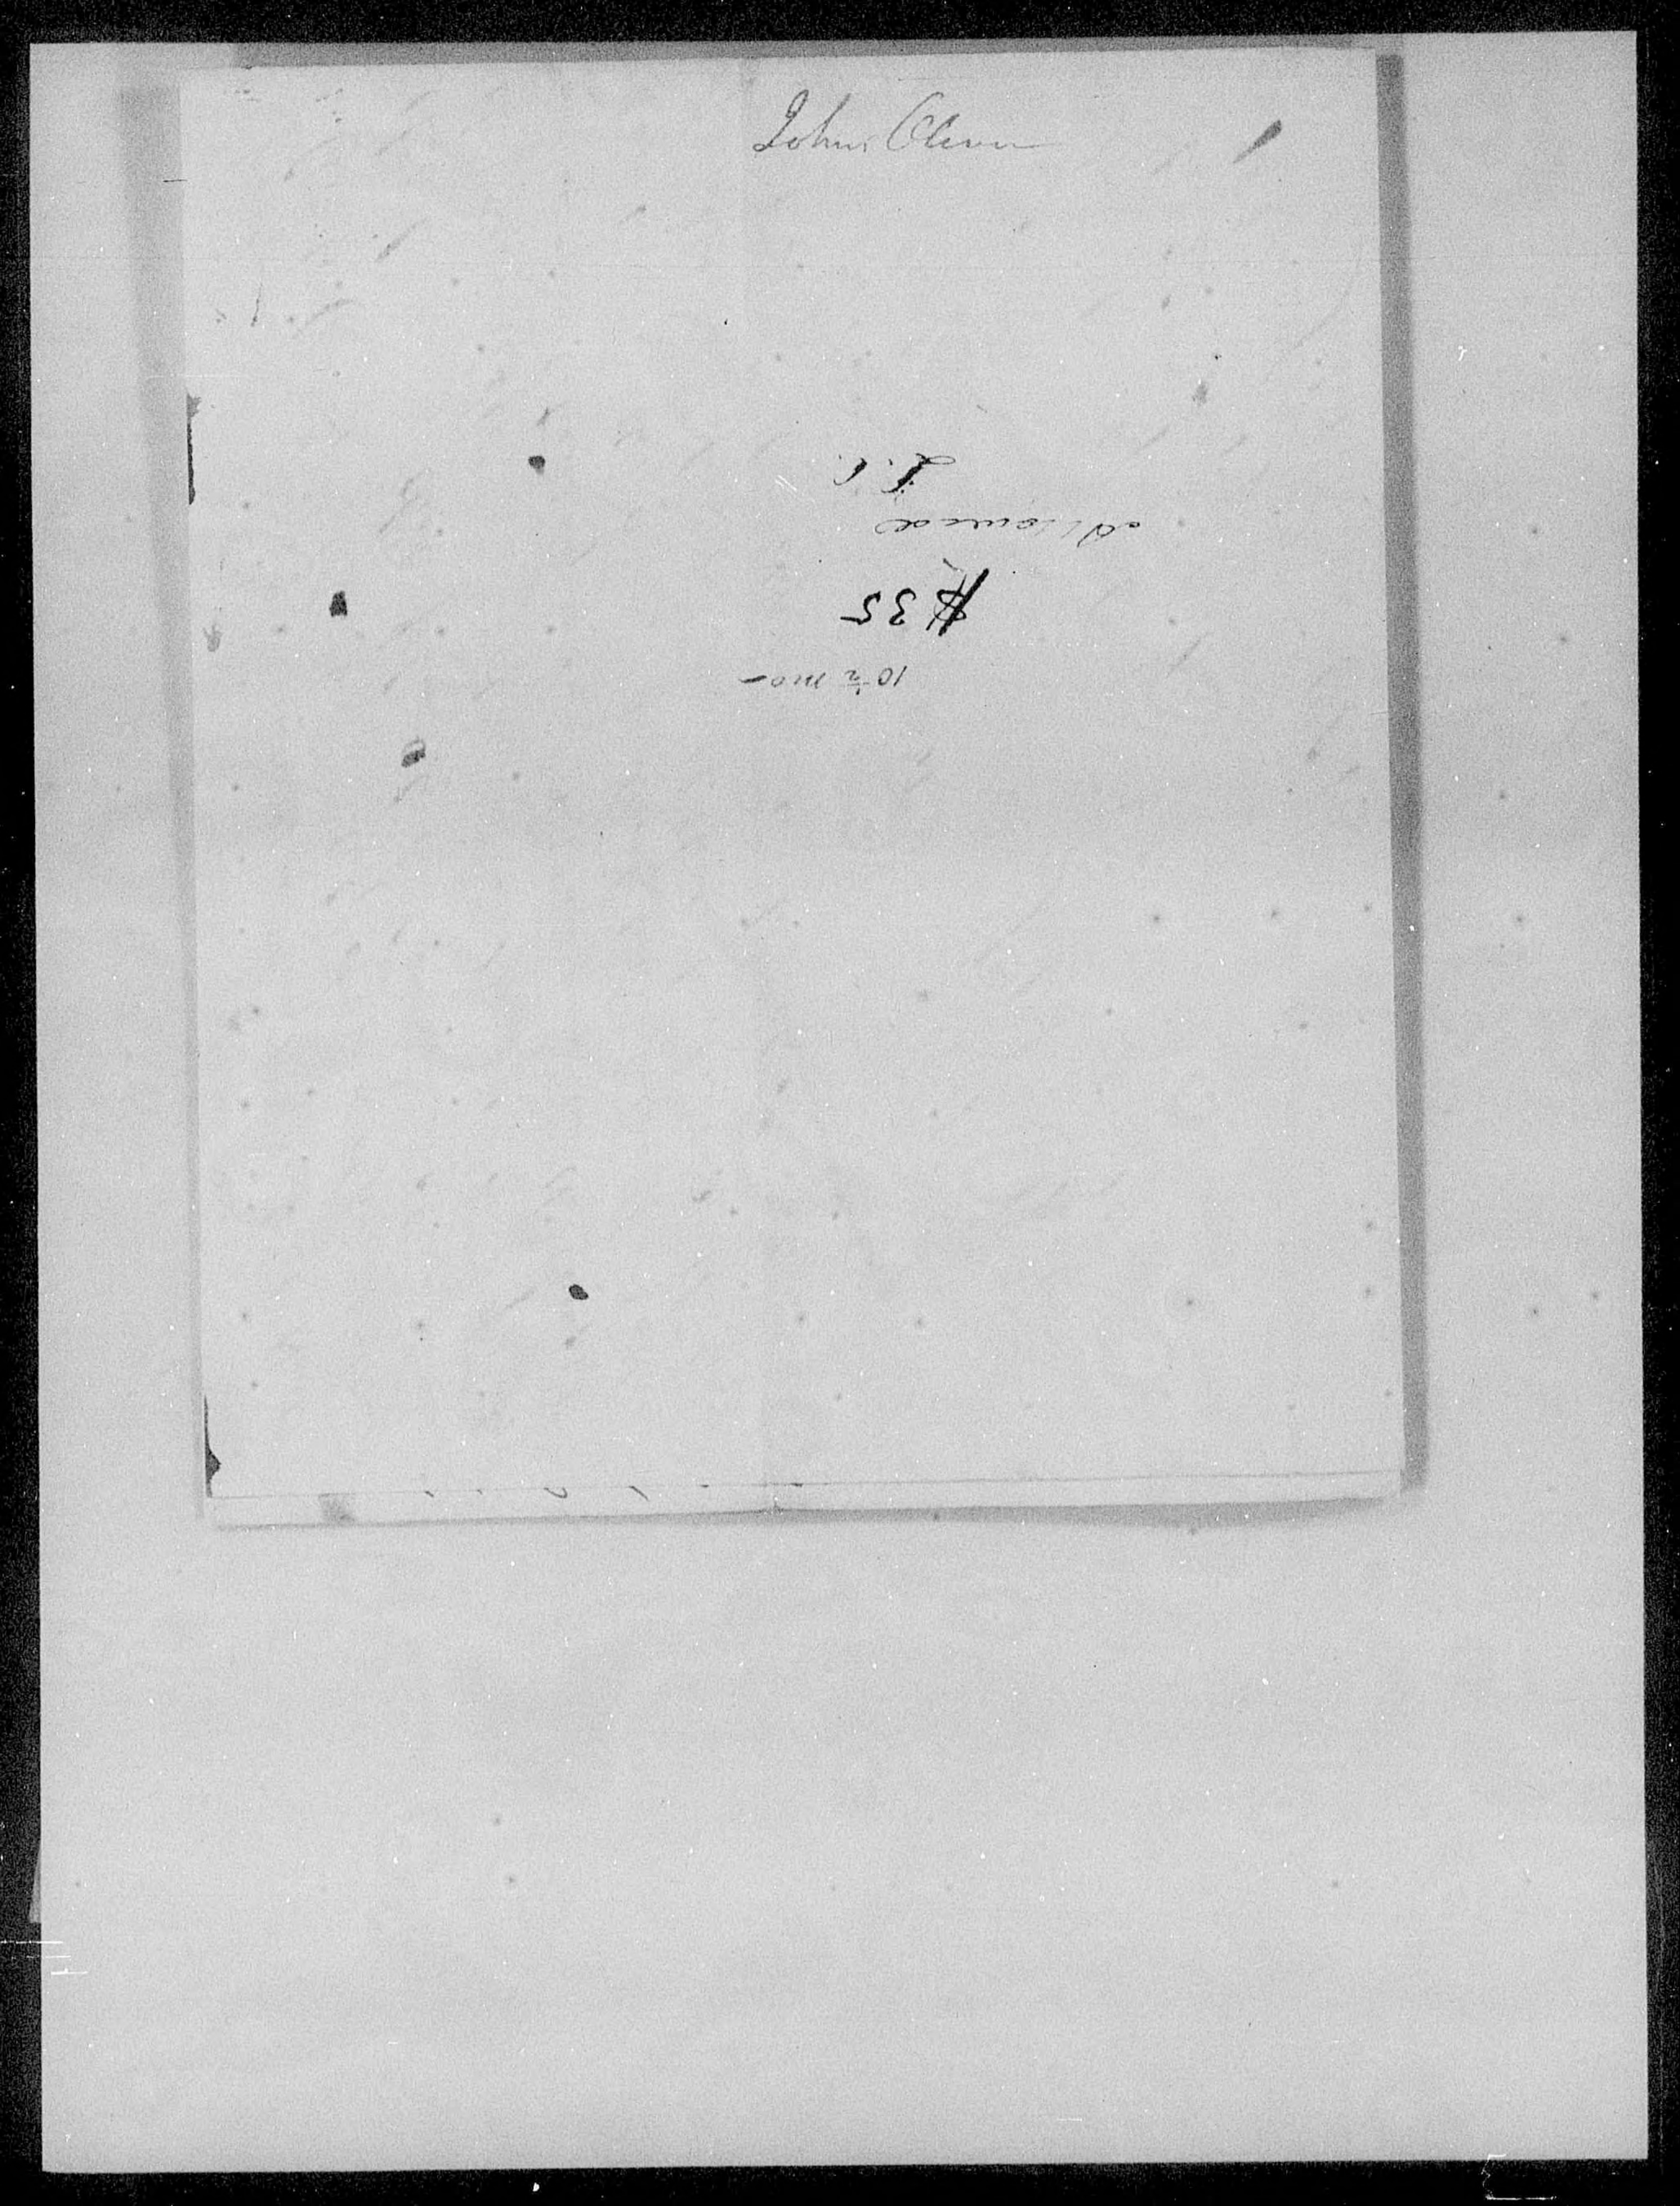10 1/2 mo
$35
Allowance
L.C.

John Oliver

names: John Oliver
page: 3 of 32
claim: survivor's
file: S. 31888, for John Oliver, North Carolina